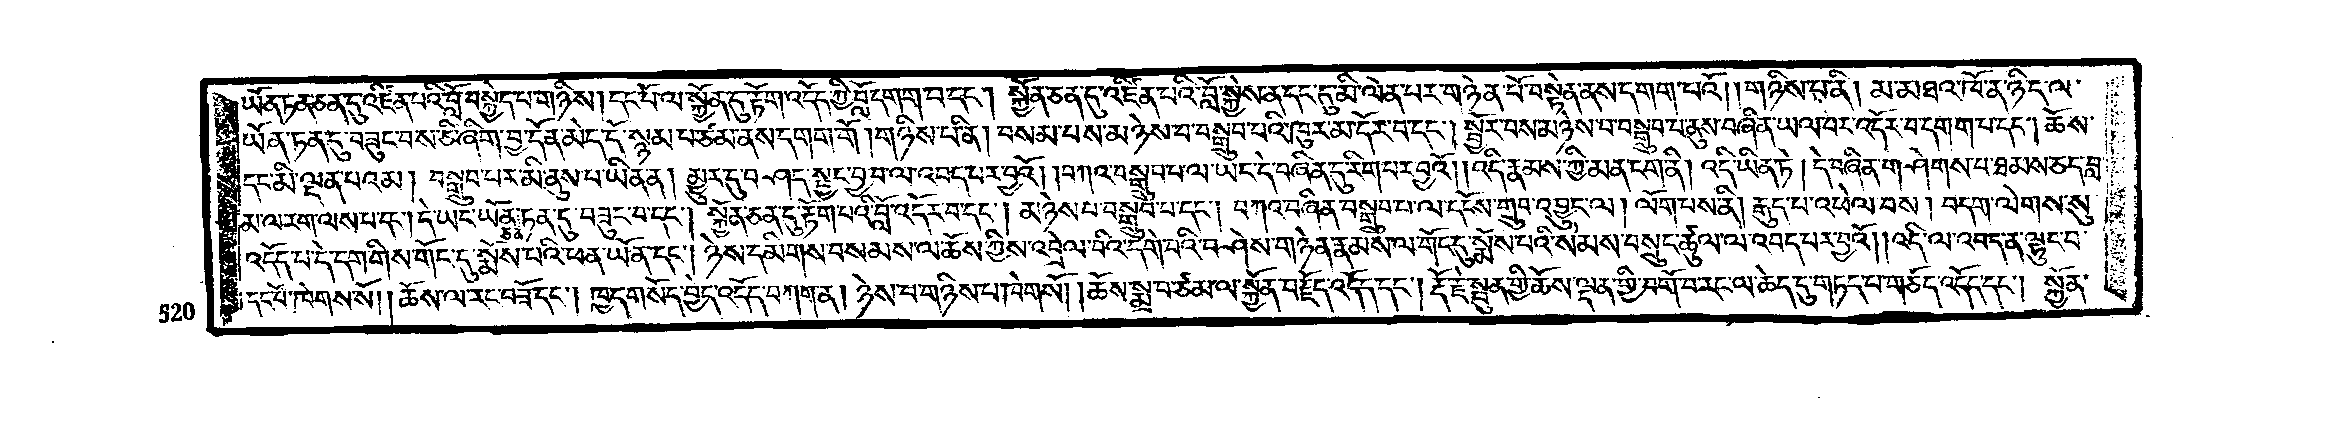ཡོན་ཏན་ཅན་དུ་འཛིན་པའི་བློ་བསྐྱེད་པ་གཉིས། དང་པོ་ལ་སྐྱོན་དུ་རྟོག་འདོད་ཀྱི་བློ་དགག་པ་དང་། སྐྱོན་ཅན་དུ་འཛིན་པའི་བློ་སྐྱེས་ན་དང་དུ་མི་ལེན་པར་གཉེན་པོ་བསྟེན་ནས་དགག་པའོ། །གཉིས་པ་ནི། མ་མཐའ་ཁོ་ན་ཉིད་ལ་
ཡོན་ཏན་དུ་བཟུང་བས་ཅི་ཞིག་བྱ་དོན་མེད་དོ་སྙམ་པ་ཙམ་ནས་དགག་གོ །གཉིས་པ་ནི། བསམ་པས་མཉེས་པ་བསྒྲུབ་པའི་ཁུར་མ་དོར་བ་དང་། སྦྱོར་བས་མཉེས་པ་བསྒྲུབ་པ་ནུས་བཞིན་ཡལ་བར་འདོར་བ་དགག་པ་དང་། ཆོས་
དང་མི་ལྡན་པའམ། བསྒྲུབ་པར་མི་ནུས་པ་ཡིན་ན། མྱུར་དུ་བཤད་སྦྱང་བྱ་བ་ལ་འབད་པར་བྱའོ། །བཀའ་བསྒྲུབ་པ་ལ་ཡང་དེ་བཞིན་དུ་རིག་པར་བྱའོ། །འདི་རྣམས་ཀྱི་མན་ངག་ནི། འདི་ཡིན་ཏེ། དེ་བཞིན་གཤེགས་པ་ཐམས་ཅད་བླ་
མ་ལ་རག་ལས་པ་དང་། དེ་ཡང་ཡོན་ཏན་དུ་བཟུང་བ་དང་། སྐྱོན་ཅན་དུ་རྟོག་པའི་བློ་འདོར་བ་དང་། མཉེས་པ་བསྒྲུབ་པ་དང་། བཀའ་བཞིན་བསྒྲུབ་པ་ལ་དངོས་གྲུབ་འབྱུང་ལ། ལོག་པས་ནི། རྒུད་པ་འཕེལ་བས། བདག་ལེགས་སུ་
འདོད་པ་དེ་དག་གིས་གོང་དུ་སྨོས་པའི་ཕན་ཡོན་དང་། ཉེས་དམིགས་བསམས་ལ་ཆོས་ཀྱིས་འབྲེལ་བའི་དགེ་བའི་བཤེས་གཉེན་རྣམས་ལ་གོང་དུ་སྨོས་པའི་སེམས་བསྲུང་ཚུལ་ལ་འབད་པར་བྱའོ། །འདི་ལ་འབད་ན་ལྷུང་བ་
དང་པོ་ཁེགས་སོ། །ཆོས་ལ་རང་བཟོ་དང་། ཁྱད་གསོད་བྱེད་འདོད་བཀག་ན། ཉེས་པ་གཉིས་པ་ཁེགས་སོ། །ཆོས་སྨྲ་བ་ཙམ་ལ་སྐྱོན་བརྗོད་འདོད་དང་། རྡོ་རྗེ་སྤུན་གྱི་ཆོས་ལྡན་གྱི་བགོ་བ་རང་ལ་ཆེད་དུ་གཏད་པ་གཅོད་འདོད་དང་། སྐྱོན་